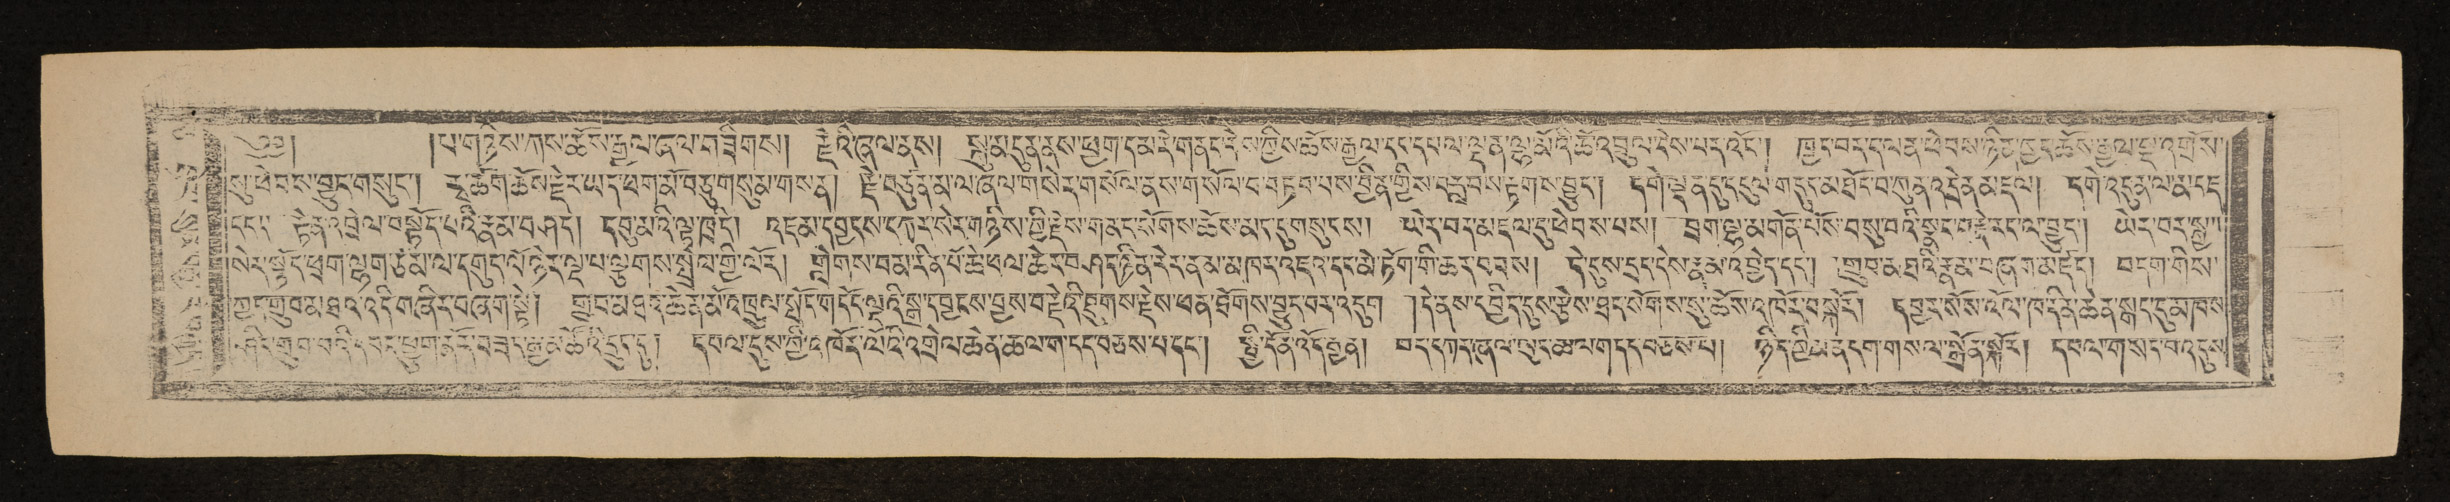༄༅། །པ་གཉིས་ཀས་ཆོས་རྒྱལ་ཞལ་གཟིགས། རྗེའི་ཞལ་ནས། སྐུ་མདུན་ནས་ཕྱག་དམ་རེ་གནང་རེས་ཀྱིས་ཆོས་རྒྱལ་དང་དཔལ་ལྡན་ལྷ་མོའི་ཆོ་འཕྲུལ་ངེས་བར་འོང་། ཁྱད་པར་ད་ལན་ཕེབས་ཉིན་ཀྱང་ཆོས་རྒྱལ་སྔ་འགྲོས་
སུ་ཕེབས་བྱུང་གསུང་། རྭ་ཚག་ཆོས་རྗེར་ཡང་ཕག་མོ་བཅུ་གསུམ་གསན། རྗེ་བཙུན་མ་ལ་ཞལ་གསེར་གསོལ་ནས་གསོལ་བ་བཏབ་པས་བྱིན་གྱིས་བརླབས་རྟགས་བྱུང་། དགེ་ལྡན་དུ་དངུལ་གདུང་མཐོང་བ་ཀུན་འདྲེན་མཇལ། དགེ་འདུན་ལ་མང་ཇ་
དང༑ རྟེན་འབྲེལ་བསྟོད་པའི་རྣམ་བཤད། དབུ་མའི་ལྟ་ཁྲིད། འཇམ་དབྱངས་དཀར་སེར་གཉིས་ཀྱི་རྗེས་གནང་སོགས་ཆོས་མང་དུ་གསུངས། ཡེར་པར་མཇལ་དུ་ཕེབས་པས། བྲག་ལྷ་མགོན་པོས་བསུ་བའི་སྣང་བ་རྗེ་རང་ལ་བྱུང་། ཡེར་བར་སྐྱ་
སེར་སྟོང་ཕྲག་ལྷག་ཙམ་ལ་དགུང་ལོ་ཉེར་ལྔ་པ་ལྕགས་སྤྲེལ་གྱི་ལོར། གླེགས་བམ་རིན་པོ་ཆེ་ཕལ་ཆེར་བཤད་ཉིན་རེར་ནམ་མཁར་འཇའ་དང་མེ་ཏོག་གི་ཆར་བབས། དེ་དུས་དྲང་ངེས་རྣམ་འབྱེད་དང་། གྲུབ་མཐའི་རྣམ་བཞག་མཛད། བདག་གིས་
ཀྱང་གྲུབ་མཐའ་འདི་གཞིར་བཞག་སྟེ། གྲུབ་མཐའ་ཆེན་མོ་འཁྲུལ་སྤོང་གདོང་ལྔའི་སྒྲ་དབྱངས་བྱས་པ་རྗེའི་ཐུགས་རྗེས་ཕན་ཐོགས་བྱུང་བར་འདུག །དེ་ནས་དཔྱིད་དུས་རྩེས་ཐང་སོགས་སུ་ཆོས་འཁོར་བསྐོར། དབྱར་སོས་འོལ་ཁ་རིན་ཆེན་སྒང་དུ་མཁས་
ཤིང་གྲུབ་པའི་དབང་ཕྱུག་ནོར་བཟང་རྒྱ་མཚོའི་དྲུང་དུ། དཔལ་དུས་ཀྱི་འཁོར་ལོའི་འགྲེལ་ཆེན་ཆ་ལག་དང་བཅས་པ་དང་། སྤྱི་དོན་འོད་རྒྱན། པད་དཀར་ཞལ་ལུང་ཆ་ལག་དང་བཅས་པ། ཉིད་ཀྱི་མན་ངག་གསལ་སྒྲོན་སྐོར། དཔལ་གསང་བ་འདུས་